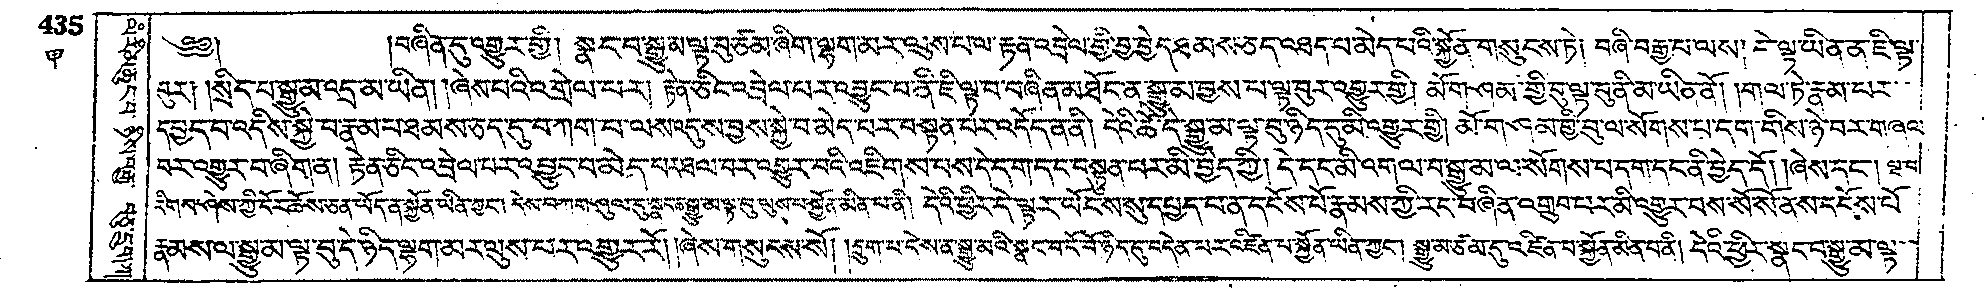༄༅། །བཞིན་དུ་འགྱུར་གྱི། སྣང་བ་སྒྱུ་མ་ལྟ་བུ་ཙམ་ཞིག་ལྷག་མར་ལུས་པ་ལ་རྟན་འབྲེལ་གྱི་བྱ་བྱེད་ཐམས་ཅད་འཐད་པ་མེད་པའི་སྐྱོན་གསུངས་ཏེ། བཞི་བརྒྱ་པ་ལས། དེ་ལྟ་ཡིན་ན་ཇི་ལྟ་
བུར། །སྲིད་པ་སྒྱུ་མ་འདྲ་མ་ཡིན། །ཞེས་པའི་འགྲེལ་པར། རྟེན་ཅིང་འབྲེལ་པར་འབྱུང་བ་ནི་ཇི་ལྟ་བ་བཞིན་མཐོང་ན་སྒྱུ་མ་བྱས་པ་ལྟ་བུར་འགྱུར་གྱི། མོ་གཤམ་གྱི་བུ་ལྟ་བུ་ནི་མ་ཡིན་ནོ། །གལ་ཏེ་རྣམ་པར་
དཔྱད་པ་འདིས་སྐྱེ་བ་རྣམ་པ་ཐམས་ཅད་དུ་བཀག་པ་ལས་འདུས་བྱས་སྐྱེ་བ་མེད་པར་བསྟན་པར་འདོད་ན་ནི། དེའི་ཚེ་དེ་སྒྱུ་མ་ལྟ་བུ་ཉིད་དུ་མི་འགྱུར་གྱི། མོ་གཤམ་གྱི་བུ་ལ་སོགས་པ་དག་གིས་ཉེ་བར་གཞལ་
བར་འགྱུར་བ་ཞིག་ན། རྟེན་ཅིང་འབྲེལ་པར་འབྱུང་བ་མེད་པར་ཐལ་བར་འགྱུར་བའི་འཇིགས་པས་དེ་དག་དང་བསྟུན་པར་མི་བྱེད་ཀྱི། དེ་དང་མི་འགལ་བ་སྒྱུ་མ་ལ་སོགས་པ་དག་དང་ནི་བྱེད་དོ། །ཞེས་དང་། ལྔ་པ་
རིགས་ཤེས་ཀྱི་དོར་ཆོས་ཅན་ཡོད་ན་སྐྱོན་ཡིན་ཀྱང་། དེས་བཀག་ཤུལ་དུ་སྣང་ཆ་སྒྱུ་མ་ལྟ་བུ་ལུས་པ་སྐྱོན་མིན་པ་ནི། དེའི་ཕྱིར་དེ་ལྟར་ཡོངས་སུ་དཔྱད་པ་ན་དངོས་པོ་རྣམས་ཀྱི་རང་བཞིན་འགྲུབ་པར་མི་འགྱུར་བས་སོ་སོ་ནས་དངོས་པོ་
རྣམས་ལ་སྒྱུ་མ་ལྟ་བུ་དེ་ཉིད་ལྷག་མར་ལུས་པར་འགྱུར་རོ། །ཞེས་གསུངས་སོ། །དྲུག་པ་དེས་ན་སྒྱུ་མའི་སྣང་བ་ངོ་བོ་ཉིད་དུ་བདེན་པར་འཛིན་པ་སྐྱོན་ཡིན་ཀྱང་། སྒྱུ་མ་ཙམ་དུ་འཛིན་པ་སྐྱོན་མིན་པ་ནི།  དེའི་ཕྱིར་སྣང་བ་སྒྱུ་མ་ལྟ་